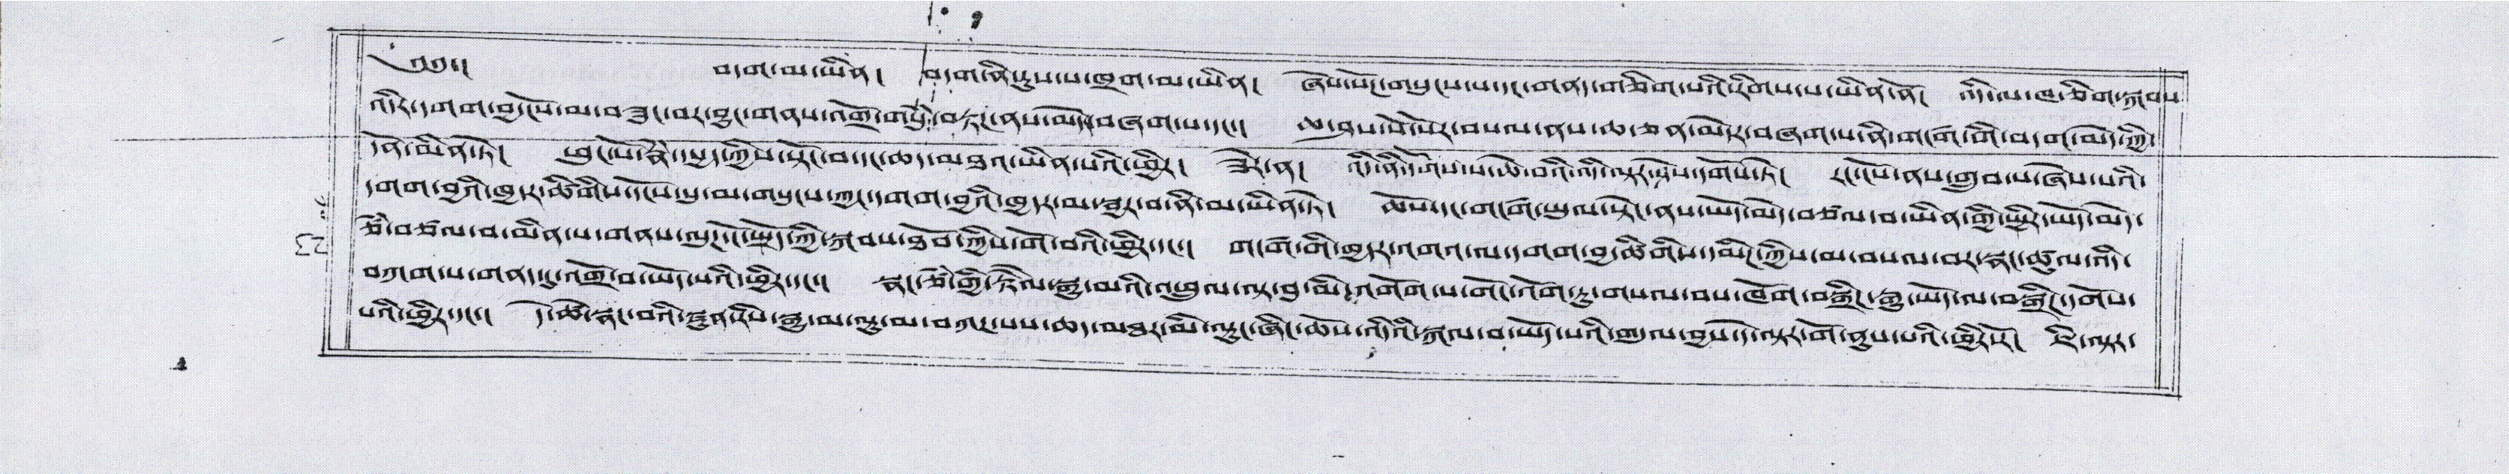བདག་མ་ཡིན། བདག་ནི་རུས་པ་ཁྲག་མ་ཡིན། ཞེས་སོགས་གསུངས་པ་དང་གནད་གཅིག་པའི་རིགས་པ་ཡིན་ནོ། འདི་ལ་ཁ་ཅིག་སྐབས་
འདིར་དགག་བྱ་ངོས་མ་བཟུང་བར་བྱུང་གནས་འགྲོ་གསུམ་བརྟགས་ནས་མེད་པར་བཞག་པ་དང། ཆ་ཤས་སོ་སོར་བསལ་ནས་ཆ་ཅན་མེད་པར་བཞག་པ་ནི་གང་ཟག་གི་བདག་མེད་ཀྱི་
དོན་མིན་ཏེ། ཕུང་པོ་རྣམ་དཔྱད་ཀྱིས་སྟོང་པ་དང་ཆད་མཐའ་ཡིན་པའི་ཕྱིར། ཟེར་ན། འདི་ནི་དགོས་པ་ཆེ་བའི་འདི་ལྟར་ཤེས་དགོས་ཏེ། རང་ངོས་ནས་གྲུབ་པ་ཞེས་པའི་
དགག་བྱའི་ཁྱད་པར་ཚིག་གིས་དངོས་སུ་མ་གསུངས་ཀྱང་དགག་བྱའི་ཁྱད་པར་མ་སྦྱར་བ་ནི་མ་ཡིན་ཏེ། ཆོས་དང་གང་ཟག་ཡུལ་སྟེང་ནས་ཡོད་མེད་
བཙལ་བ་ཡིན་གྱི་སྤྱིར་ཡོད་མེད་ཙམ་བཙལ་བ་མིན་པ་གནས་ལུགས་ངོ་སྤྲོད་ཀྱི་སྐབས་ཐོབ་ཀྱིས་གོ་བའི་ཕྱིར་དང། གང་ཟག་གི་ཁྱད་པར་འགའ་ལ་དགག་བྱ་ཚིག་གིས་དམིགས་ཀྱིས་མ་བསལ་བར་སྣང་ཚུལ་འདི་
བཀག་པ་གནད་དུ་འགྲོ་བ་ཡོད་པའི་ཕྱིར་དང། སྣང་ཙམ་གྱི་རྟེན་འབྲེལ་སྒྱུ་མའི་འཕྲུལ་ལྟ་བུ་མི་འགོག་པ་གོང་འོག་ཏུ་གསལ་བས་ཁོག་བསྒྲིགས་རྒྱུ་ཡོད་ལ་བསྒྲིགས་དགོས་
པའི་ཕྱིར་དང། དེ་ཚེ་སྣང་བའི་རྫུན་རིས་སྒྱུ་མ་ལྟ་བུ་མ་བཀགས་པས་ཆད་མཐར་མི་ལྟུང་ཞིང་ཆོས་འདིའི་སྐལ་བ་ཡོད་པའི་གདུལ་བྱས་དེ་ལྟར་གོ་ནུས་པའི་ཕྱིར་རོ། ཇི་ལྟར་